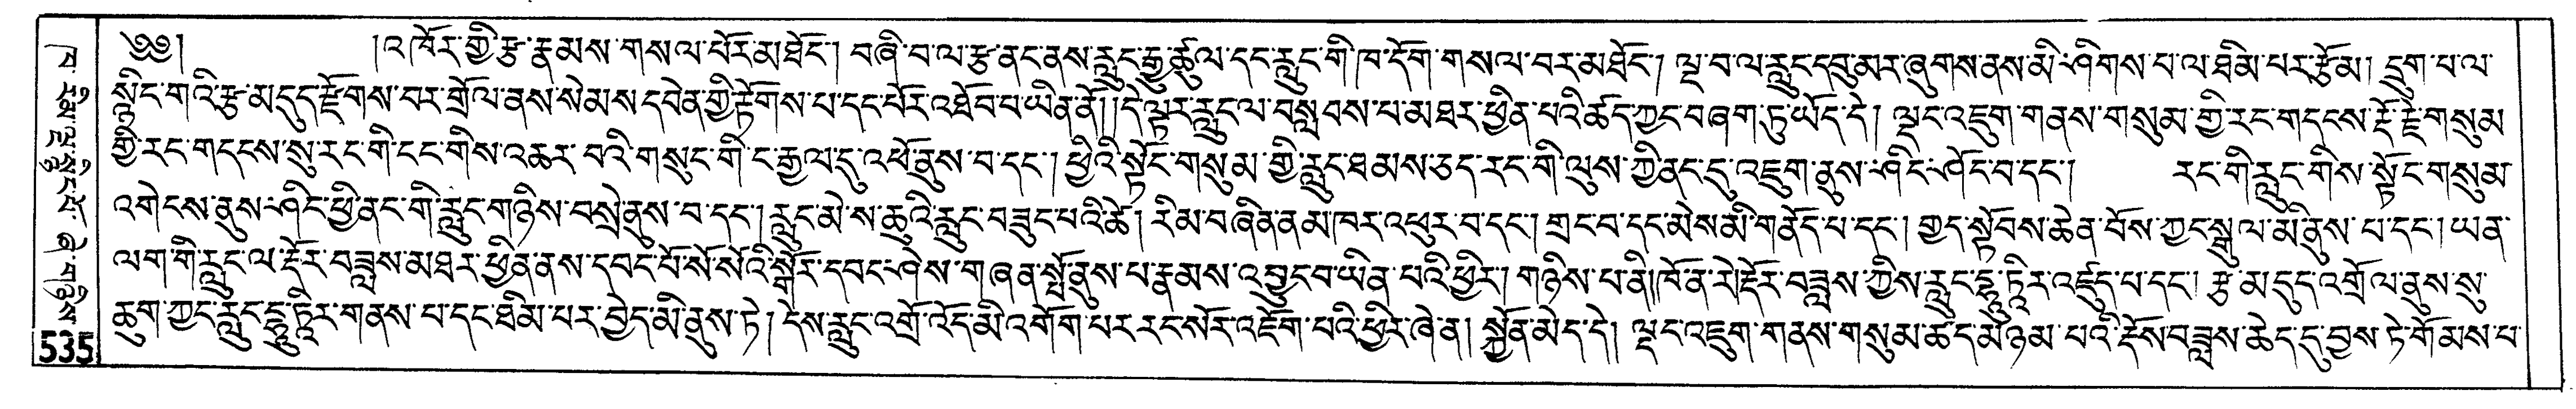༄༅། །འཁོར་གྱི་རྩ་རྣམས་གསལ་པོར་མཐོང་། བཞི་བ་ལ་རྩ་ནང་ནས་རླུང་རྒྱུ་ཚུལ་དང་རླུང་གི་ཁ་དོག་གསལ་བར་མཐོང་། ལྔ་བ་ལ་རླུང་དབུ་མར་ཞུགས་ནས་མི་ཤིགས་པ་ལ་ཐིམ་པར་རྩོམ། དྲུག་པ་ལ་
སྙིང་གའི་རྩ་མདུད་རྫོགས་པར་གྲོལ་ནས་སེམས་དབེན་གྱི་རྟོགས་པ་དང་པོར་འཐོབ་པ་ཡིན་ནོ། །དེ་ལྟར་རླུང་ལ་བསླབས་པ་མཐར་ཕྱིན་པའི་ཚད་ཀྱང་བཞག་ཏུ་ཡོད་དེ། ལྡང་འཇུག་གནས་གསུམ་གྱི་རང་གདངས་རྡོ་རྗེ་གསུམ་
གྱི་རང་གདངས་སུ་རང་གི་ངང་གིས་འཆར་བའི་གསུང་གི་ང་རྒྱལ་དུ་འཕོ་ནུས་བ་དང་། ཕྱིའི་སྟོང་གསུམ་གྱི་རླུང་ཐམས་ཅད་རང་གི་ལུས་ཀྱི་ནང་དུ་འཇུག་ནུས་ཤིང་ཤོང་བ་དང་། རང་གི་རླུང་གིས་སྟོང་གསུམ་
འགེངས་ནུས་ཤིང་ཕྱི་ནང་གི་རླུང་གཉིས་བསྲེ་ནུས་པ་དང་། རླུང་མེ་ས་ཆུའི་རླུང་བཟུང་པའི་ཚེ། རིམ་བཞིན་ནམ་ཁར་འཕུར་བ་དང་། གྲང་བ་དང་མེས་མི་གནོད་པ་དང་། གྱད་སྟོབས་ཆེན་པོས་ཀྱང་སྒུལ་མི་ནུས་པ་དང་། ཡན་
ལག་གི་རླུང་ལ་རྡོར་བཟླས་མཐར་ཕྱིན་ནས་དབང་པོ་སོ་སོའི་སྒོར་དབང་ཤེས་གཞན་སྤོ་ནུས་པ་རྣམས་འབྱུང་བ་ཡིན་པའི་ཕྱིར། གཉིས་པ་ནི། ཁོ་ན་རེ། རྡོར་བཟླས་ཀྱིས་རླུང་དྷཱུ་ཏཱིར་འཛུད་པ་དང་། རྩ་མདུད་འགྲོལ་ནུས་སུ་
ཆུག་ཀྱང་རླུང་དྷཱུ་ཏཱིར་གནས་པ་དང་ཐིམ་པར་བྱེད་མི་ནུས་ཏེ། དེས་རླུང་འགྲོ་འོད་མི་འགོག་པར་རང་སོར་འཇོག་པའི་ཕྱིར་ཞེ་ན། སྐྱོན་མེད་དེ། ལྡང་འཇུག་གནས་གསུམ་ཚད་མཉམ་པའི་རྡོས་བཟླས་ཆེད་དུ་བྱས་ཏེ་གོམས་པ་